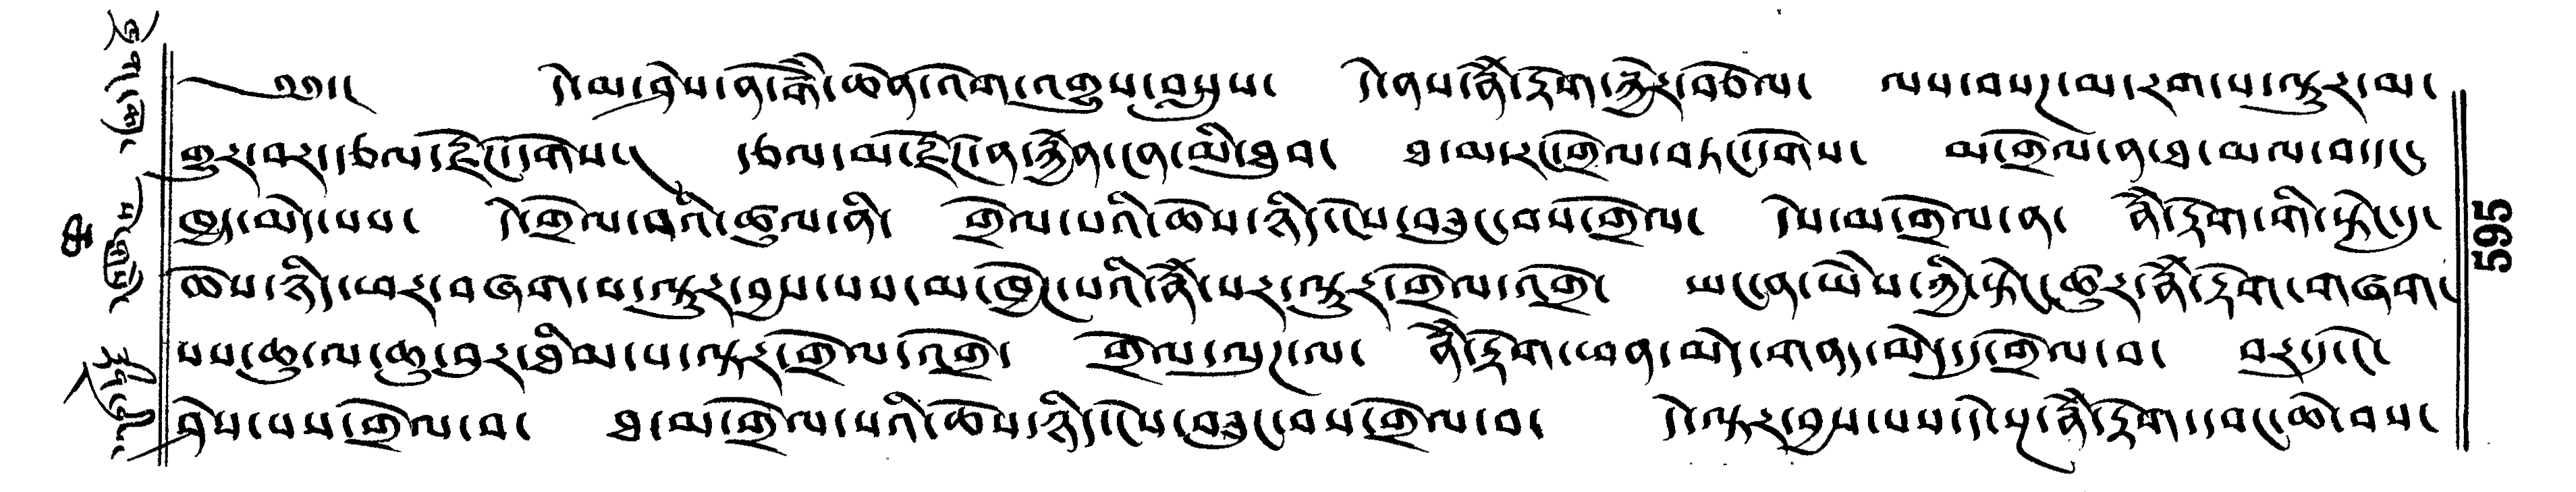དེ་མ་ཤེས་ན་སྒོམ་ཆེན་འོག་འགྱུས་བསླུ། དེ་ནས་རྣམ་རྟོག་སྐྱེར་བཅོལ། ལས་བསགས་མ་རག་པ་ལྟ་བུར་མ་
གྱུར་བར་རྩལ་རྫོགས་དགོས། རྩལ་མ་རྫོགས་ན་རྐྱེན་ངན་མི་ཐུབ། ཐ་མ་རང་གྲོལ་བཏང་དགོས། མ་གྲོལ་ན་ཐ་མལ་བ་དང་
ཁྱད་མེད་པས། དེ་གྲོལ་བའི་ཚུལ་ནི། གྲོལ་པའི་ཆོས་ཉིད་ངོས་བཟུང་བས་གྲོལ། དེས་མ་གྲོལ་ན། རྣམ་རྟོག་གི་སྟེང་དུ་
ཆོས་ཉིད་ཕར་བཞག་པ་ལྟ་བུ་བྱས་པས་མ་ཁྱོགས་པའི་རྣམ་པ་ལྟ་བུར་གྲོལ་འགྲོ། ཡང་ན་ཡེ་ཤེས་ཀྱི་སྟེང་ཚུར་རྣམ་རྟོག་བཞག་
པས་ཆུ་ལ་ཆུ་བུར་ཐིམ་པ་ལྟར་གྲོལ་འགྲོ། གྲོལ་ལུགས་ལ། རྣམ་རྟོག་ཕན་མེད་གནོད་མེད་དུ་གྲོལ་བ། བར་དུ་ངོ་
ཤེས་པས་གྲོལ་བ། ཐ་མ་གྲོལ་པའི་ཆོས་ཉིད་ངོས་བཟུང་བས་གྲོལ་བ། དེ་ལྟར་བྱས་པས་དེ་སྔ་རྣམ་རྟོག་དབང་ཆེ་བས་